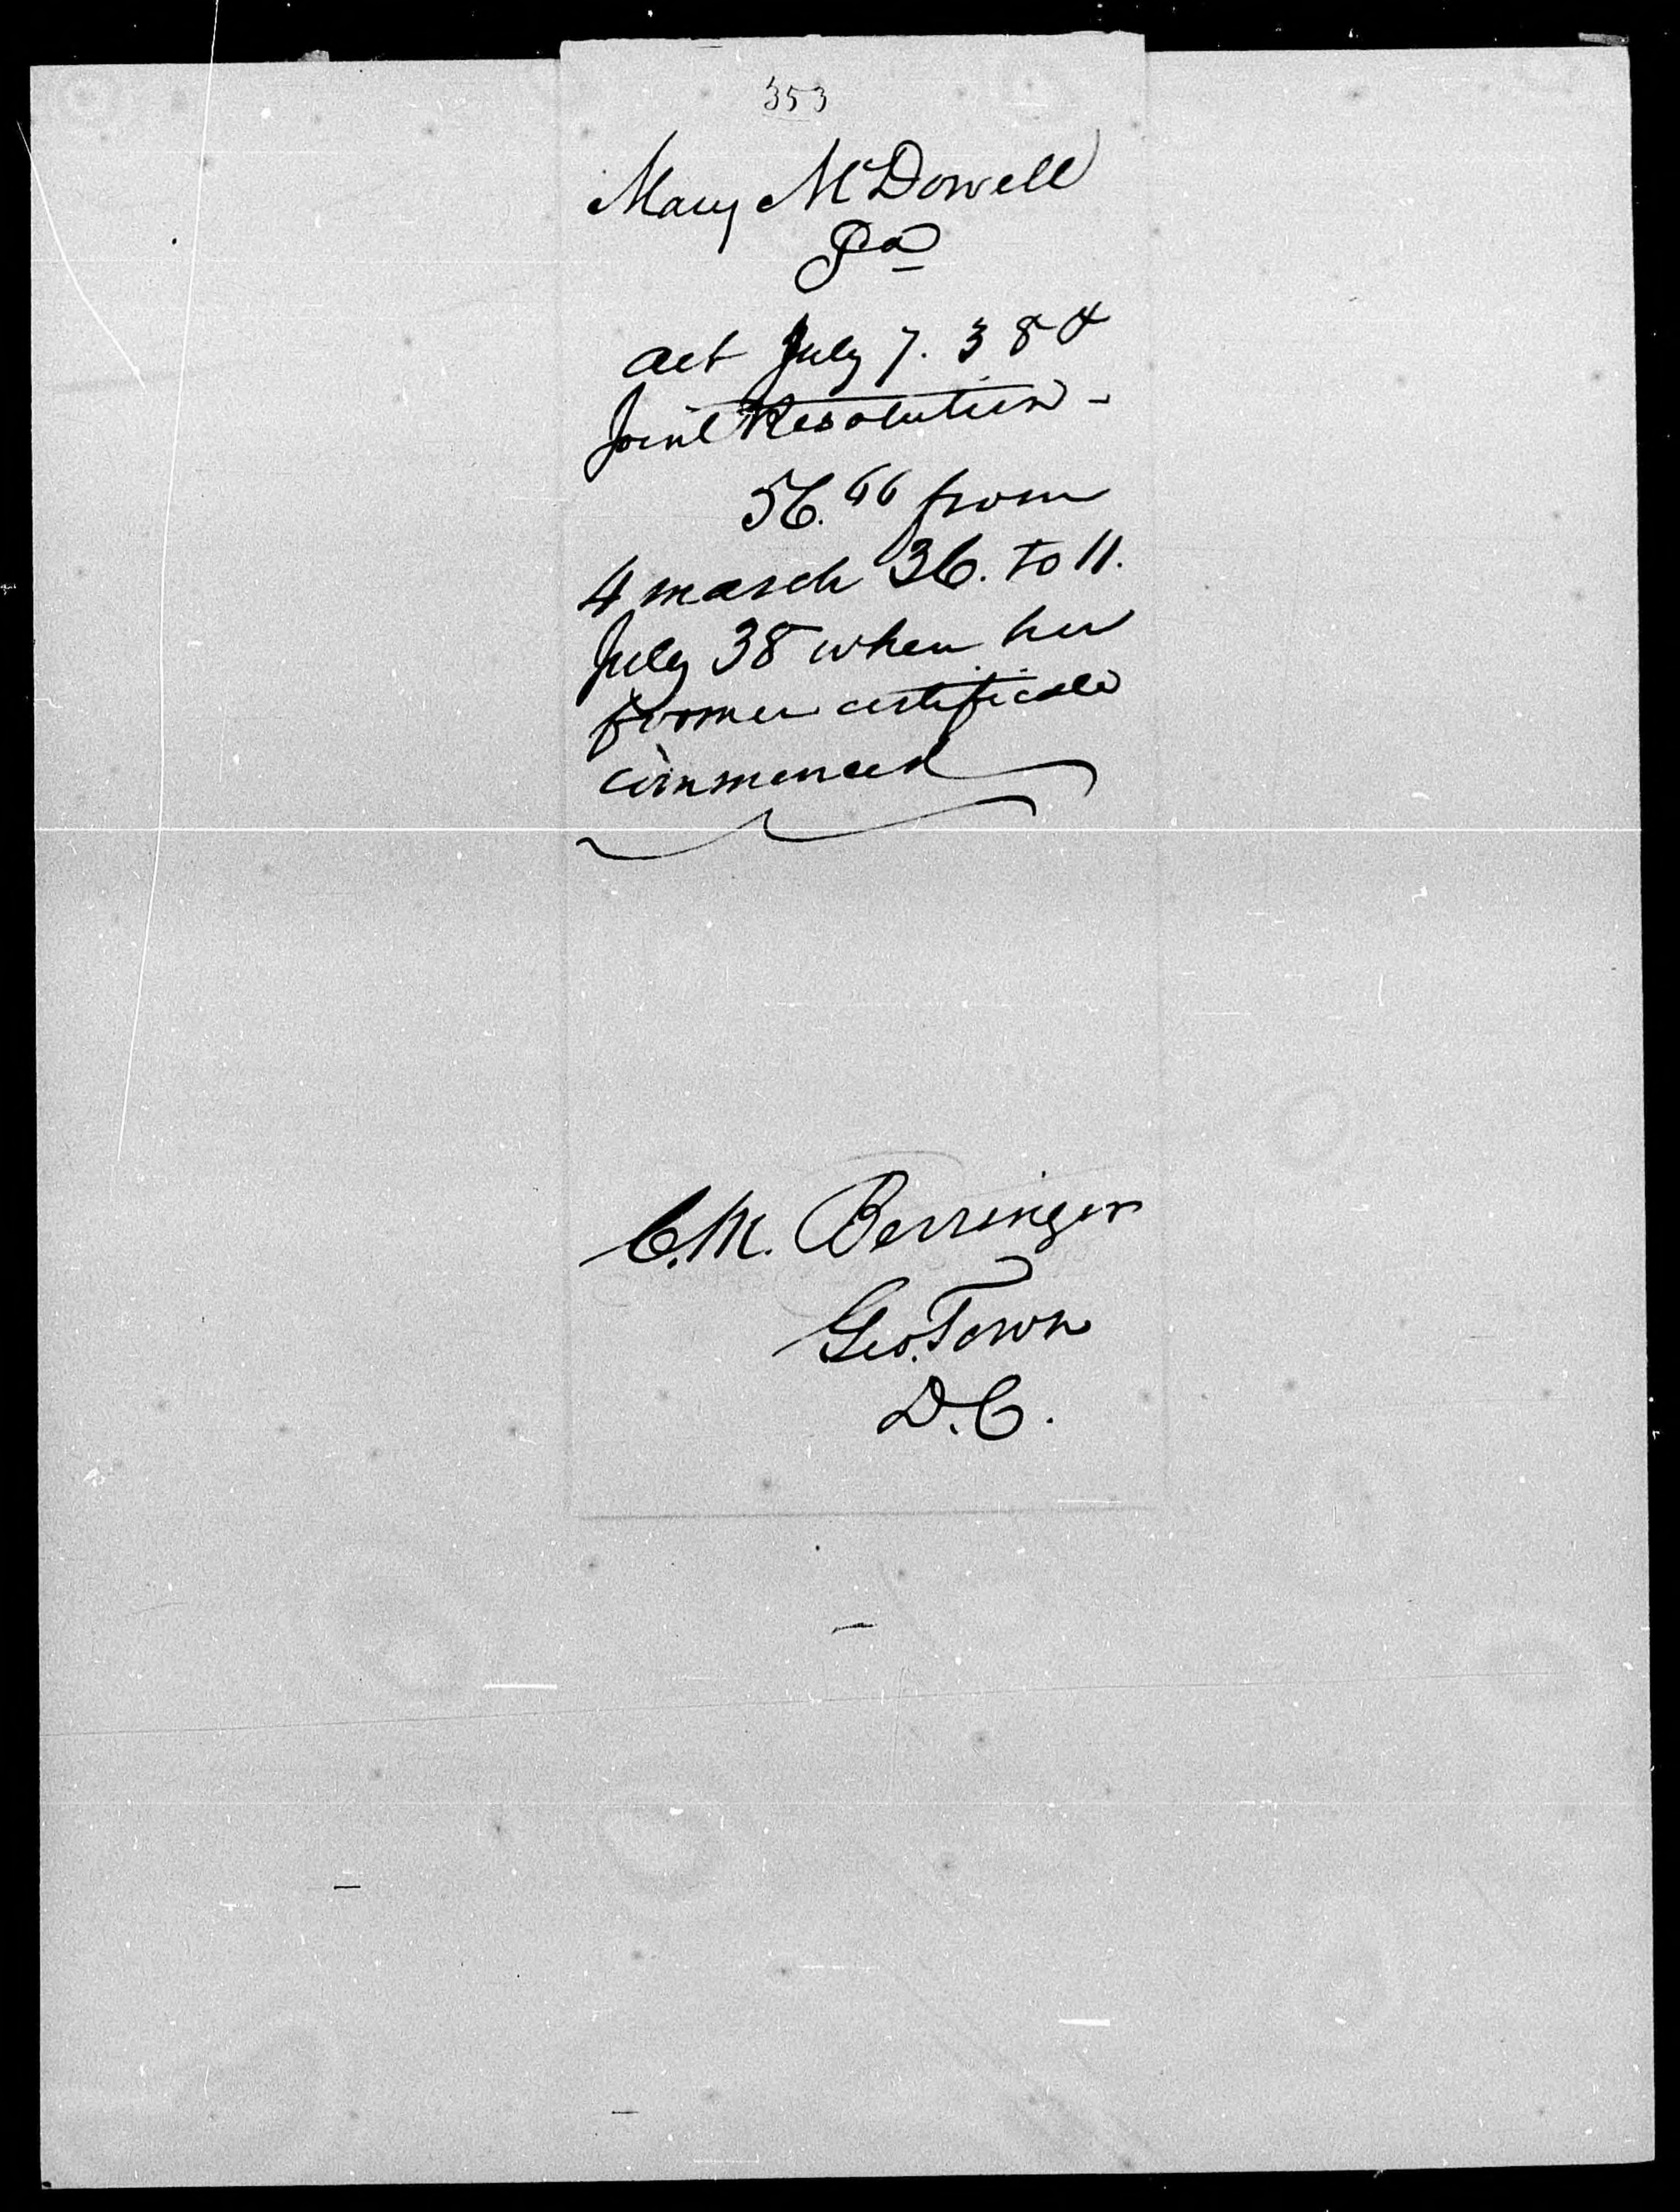353
Mary McDowell
Pa
Act July 7. 38 & Joint Resolution--
56.66 from 4 march 36 to 11 July 38 when her former certificate commenced

C.M. Berringer
Geo. Town
D.C.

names: C M Berringer; Mary Mc Dowell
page: 61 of 63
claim: widow's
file: W 2957, for Thomas Mc Dowell, Maryland